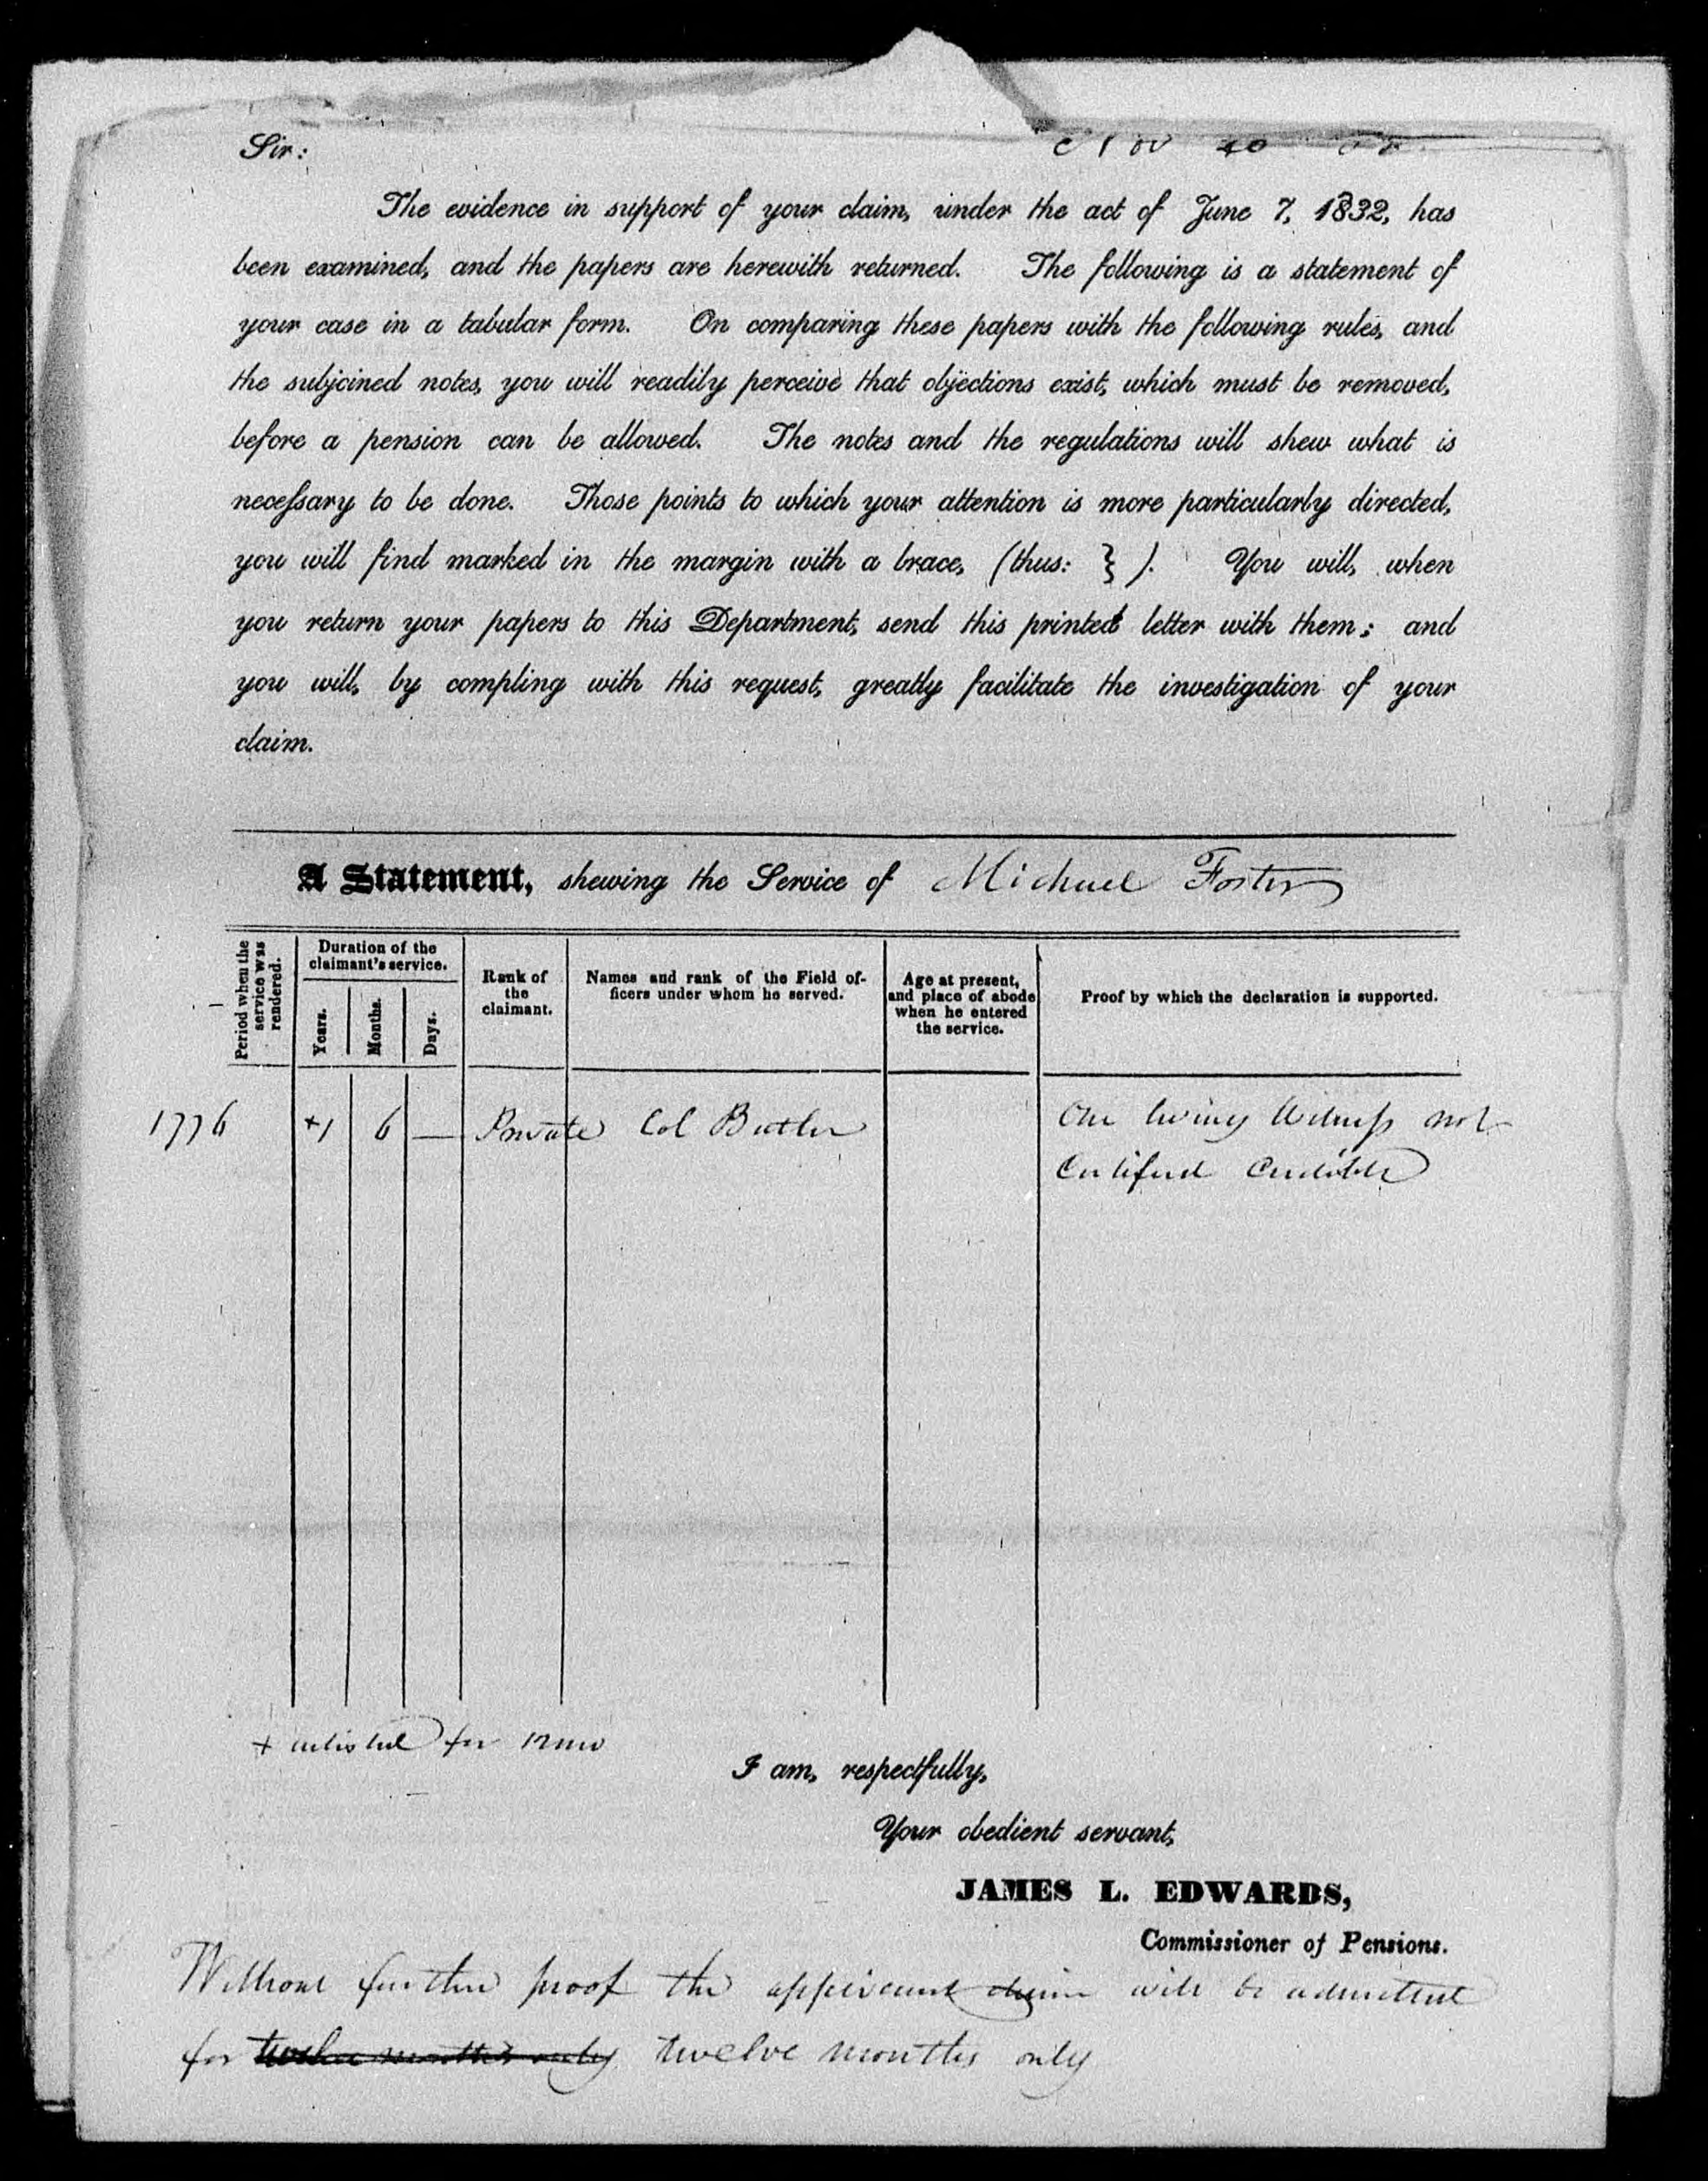Nov 20 18__

Sir:
The evidence in support of your claim, under the act of June 7, 1832, has been examined, and the papers are herewith returned. The following is a statement of your case in a tabular form. On comparing these papers with the following rules, and the subjoined notes you will readily perceive that objections exist, which must be removed, before a pension can be allowed. The notes and the regulations will shew what is necessary to be done. Those points to which your attention is more particularly directed, you will find marked in the margin with a brace,( thus} ). You will, when you return your papers to the Department, send this printed letter with them; and you will, by compiling with this request, greatly facilitate the investigation of your claim. 
_______________________________________
A STATEMENT, shewing the Service of Michael Foster

The following is in columns
Period when the service was rendered 1776 
Declaration of the claimant's service
Year +1
Months 6
Days --
Rank of this claimant Private
Names and rank of the Field officers under whom he served Col. Butler
Age at present, and place of abode when he entered the service--
Proof by which the declaration is supported. One living Witness not Certified Creditable

+ unlisted for now

I am, respectfully,
Your obedient servant, 
James L. Edwards,
Commissioner of Pensions

Without further proof the applicant claim will be admitted for twelve months only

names: Michael Foster, James L Edwards, Butler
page: 25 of 57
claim: widow's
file: W. 5275 1/2, Michael Foster, Penn.